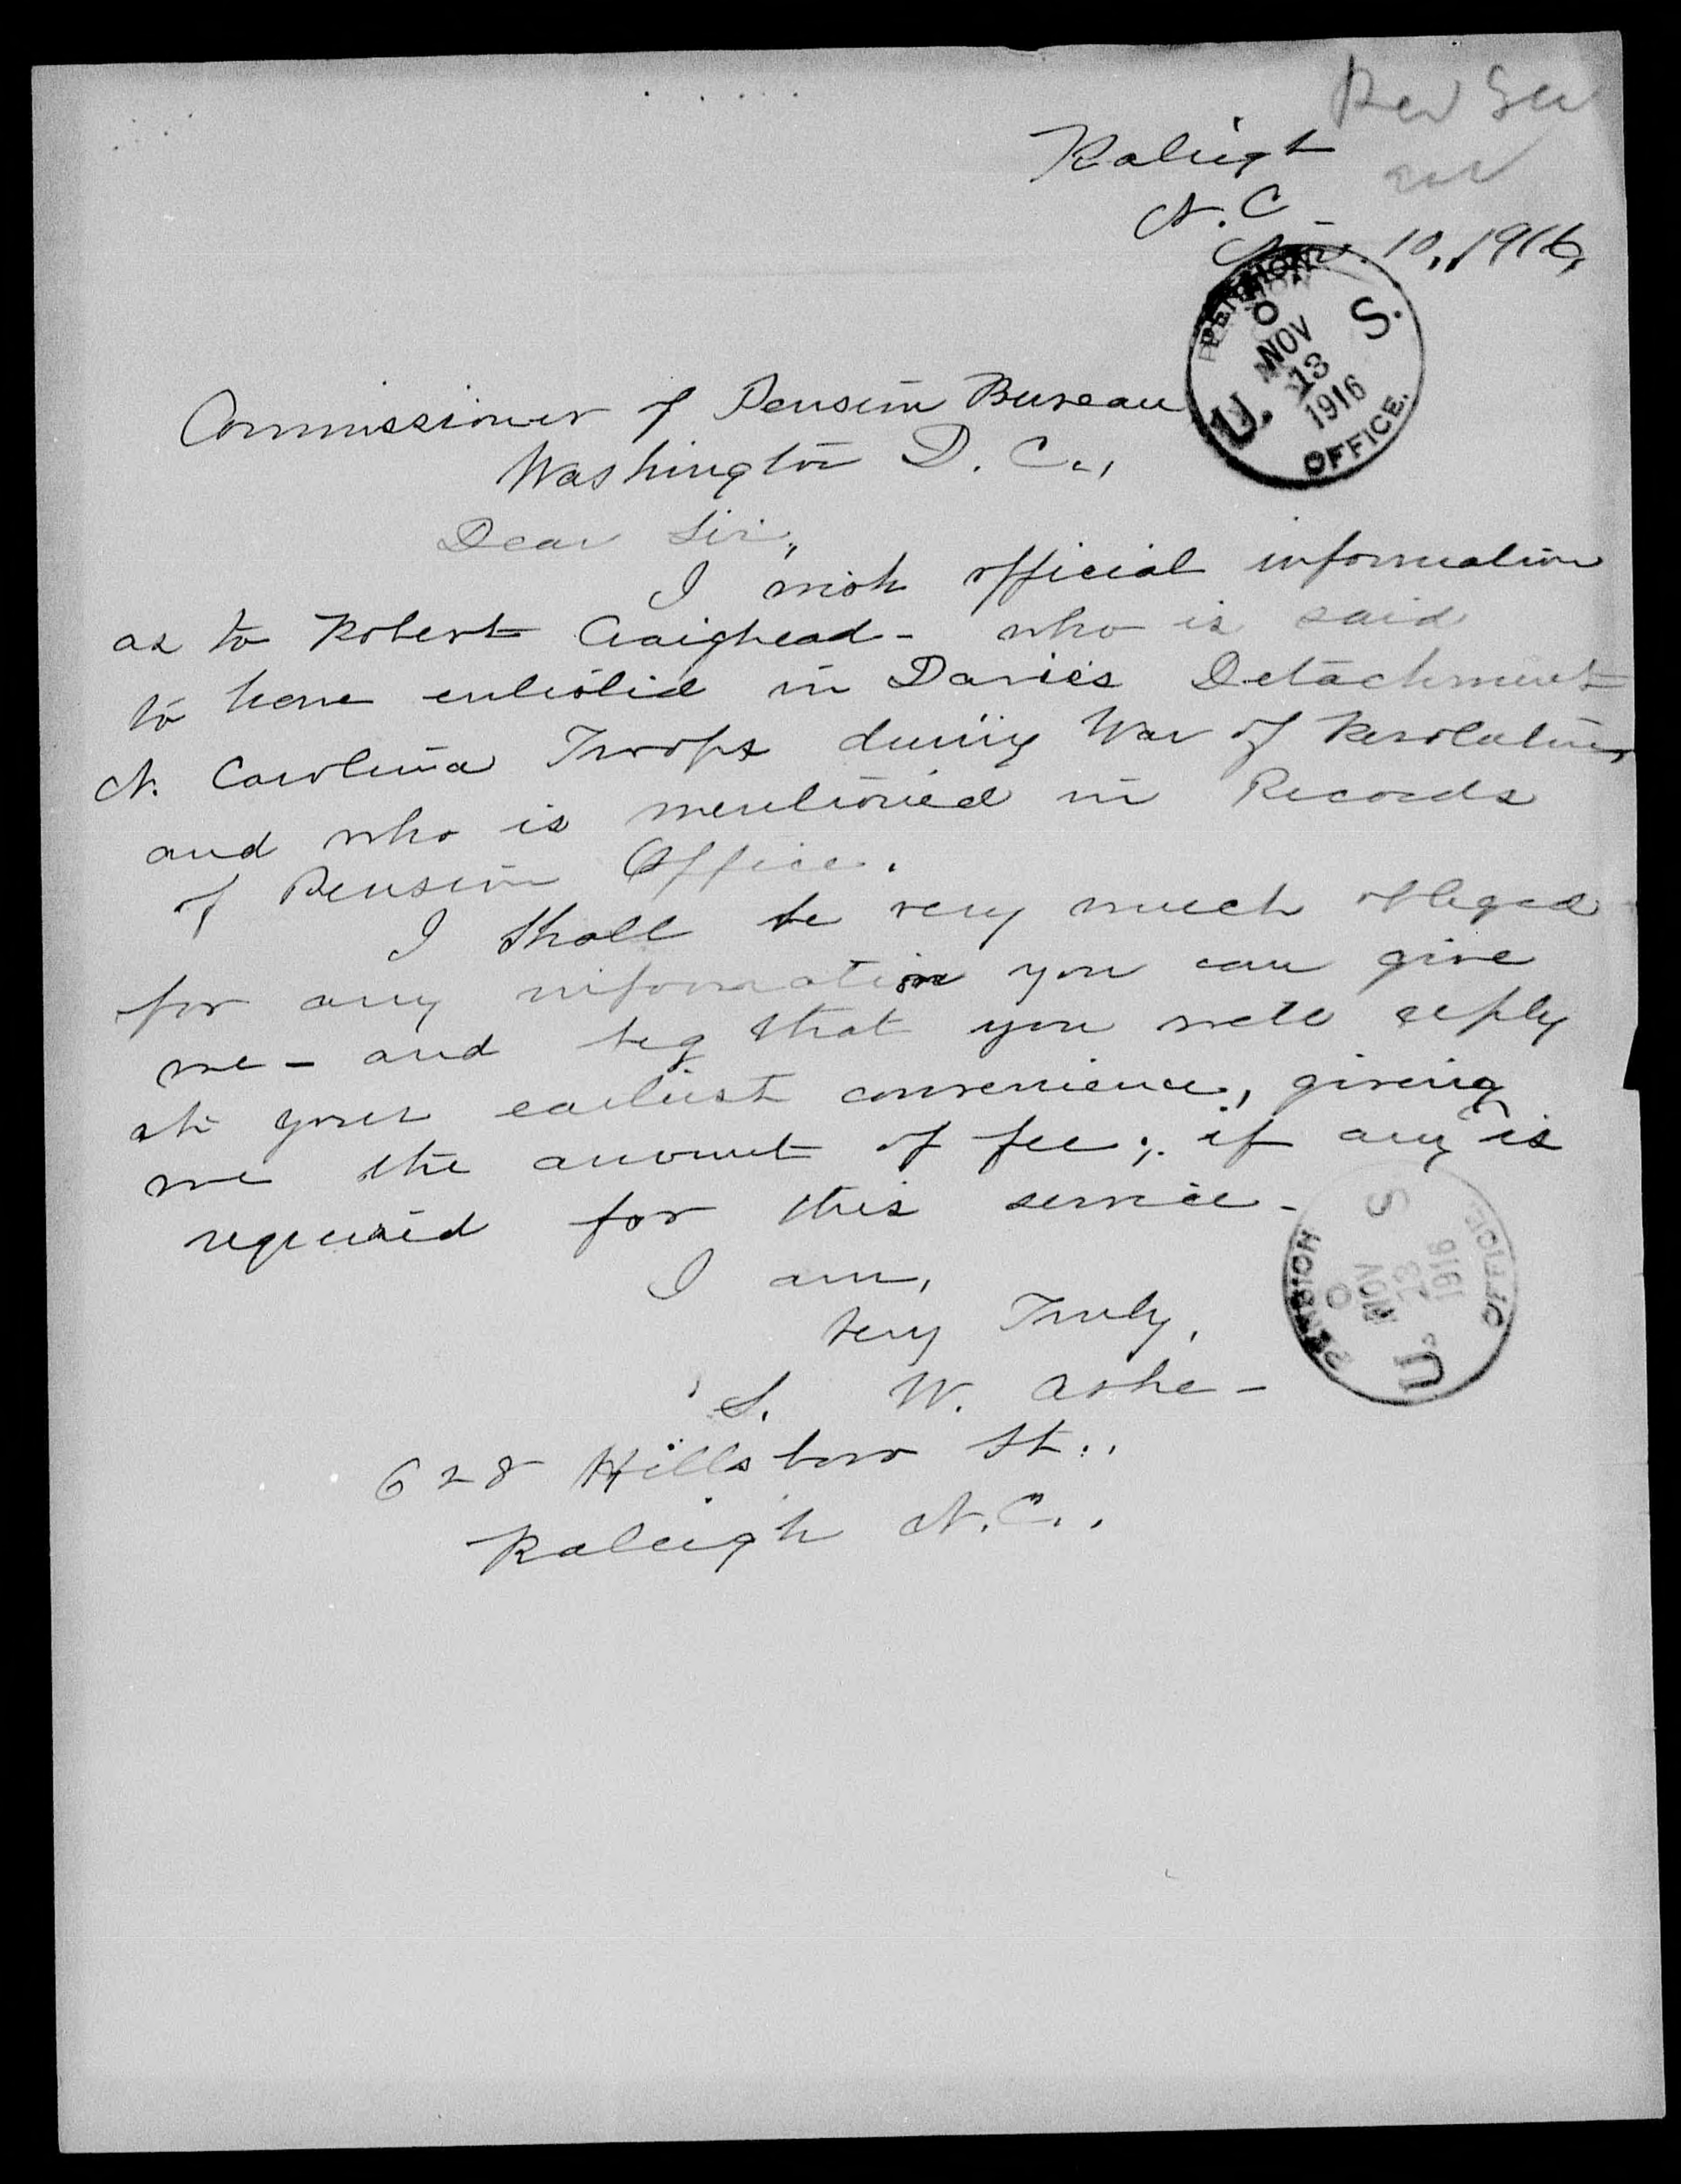Raleigh
North Carolina
November 10, 1916

Pension
November
U. 13 S.
1916
Office
-
Commissioner of Pension Bureau
Washington D.C.
Dear Sir
I ([llegible] official information
to Robert Craighead, who is said
have enlisted in Davie's Detachment
N. Carolina Troops during War of Revolution
and who is mentioned in Records
Pension Office
I shall be very much obliged
for any information you can give me
and beg that you will reply
to your earliest convenience, giving
me the account of fee if any is
required
for this service
I am,
Very Truly
S. W. Ashe
628 Hillsboro St
Raleigh North Carolina

Pension
November
U. 13 S.
1916
Office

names: Robert Craighead, S W Ashe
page: 21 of 26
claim: survivor's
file: S. 352, Robert Craighead, N.C.